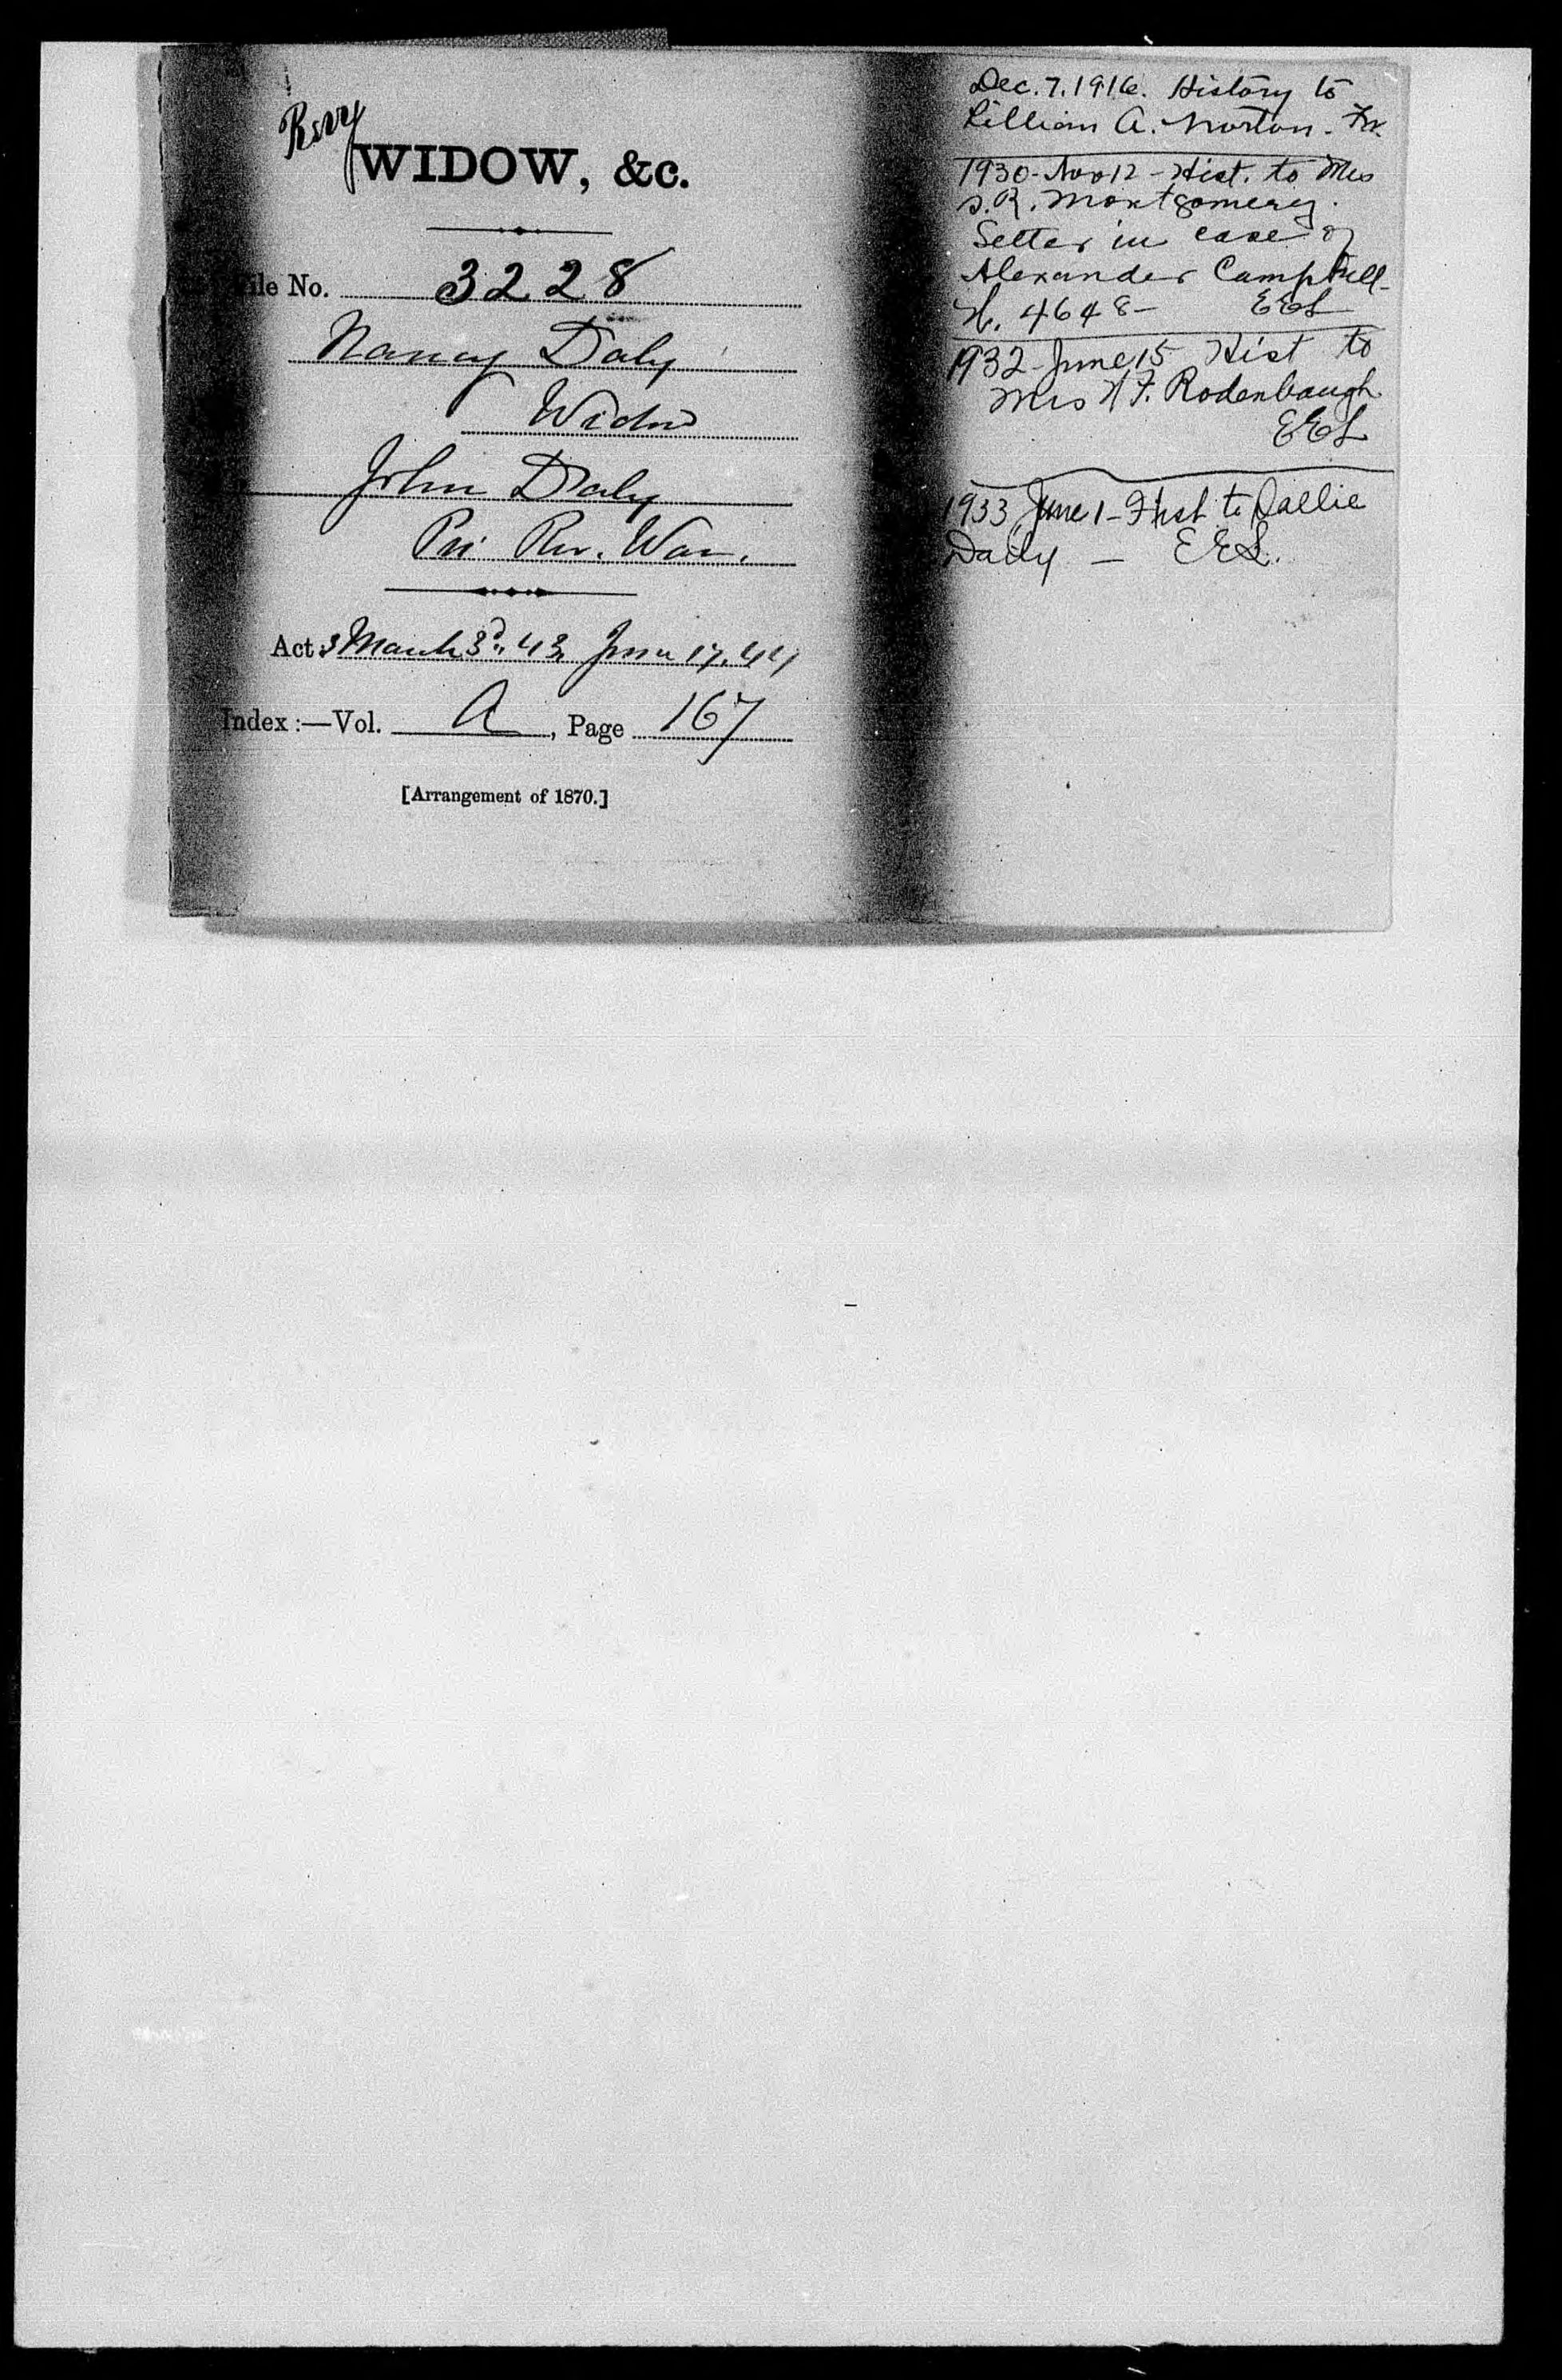Revy WIDOW, &c.

File No. 3228
Nancy Daly
Widow
John Daly
Pri. Rev. War.
Act 3 March 3d 43 June 17.44
Index :-- Vol. A. Page 167
[Arrangement of 1870.]

Dec. 7, 1916. History to
Lilliam A. Norton
_____________________
1930 - Nov 12 Hist. to Mis
S.R. Montgomery.
Letter in case of
Alexander Campbell
N. 4648-  EEL
_______________________
1932 - June 15 Hist to
Mrs W F. Rodenbaugh
EEL
__________________
1953 June 1 - Hist to Sallie
Daily - EEL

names: W F Rodenbaugh, S R Montgomery, John Daly, Alexander Campbell, Lillian A Norton, Nancy Daly, Sallie Daily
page: 18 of 63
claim: widow's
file: W. 3228, John Daly, Penn.